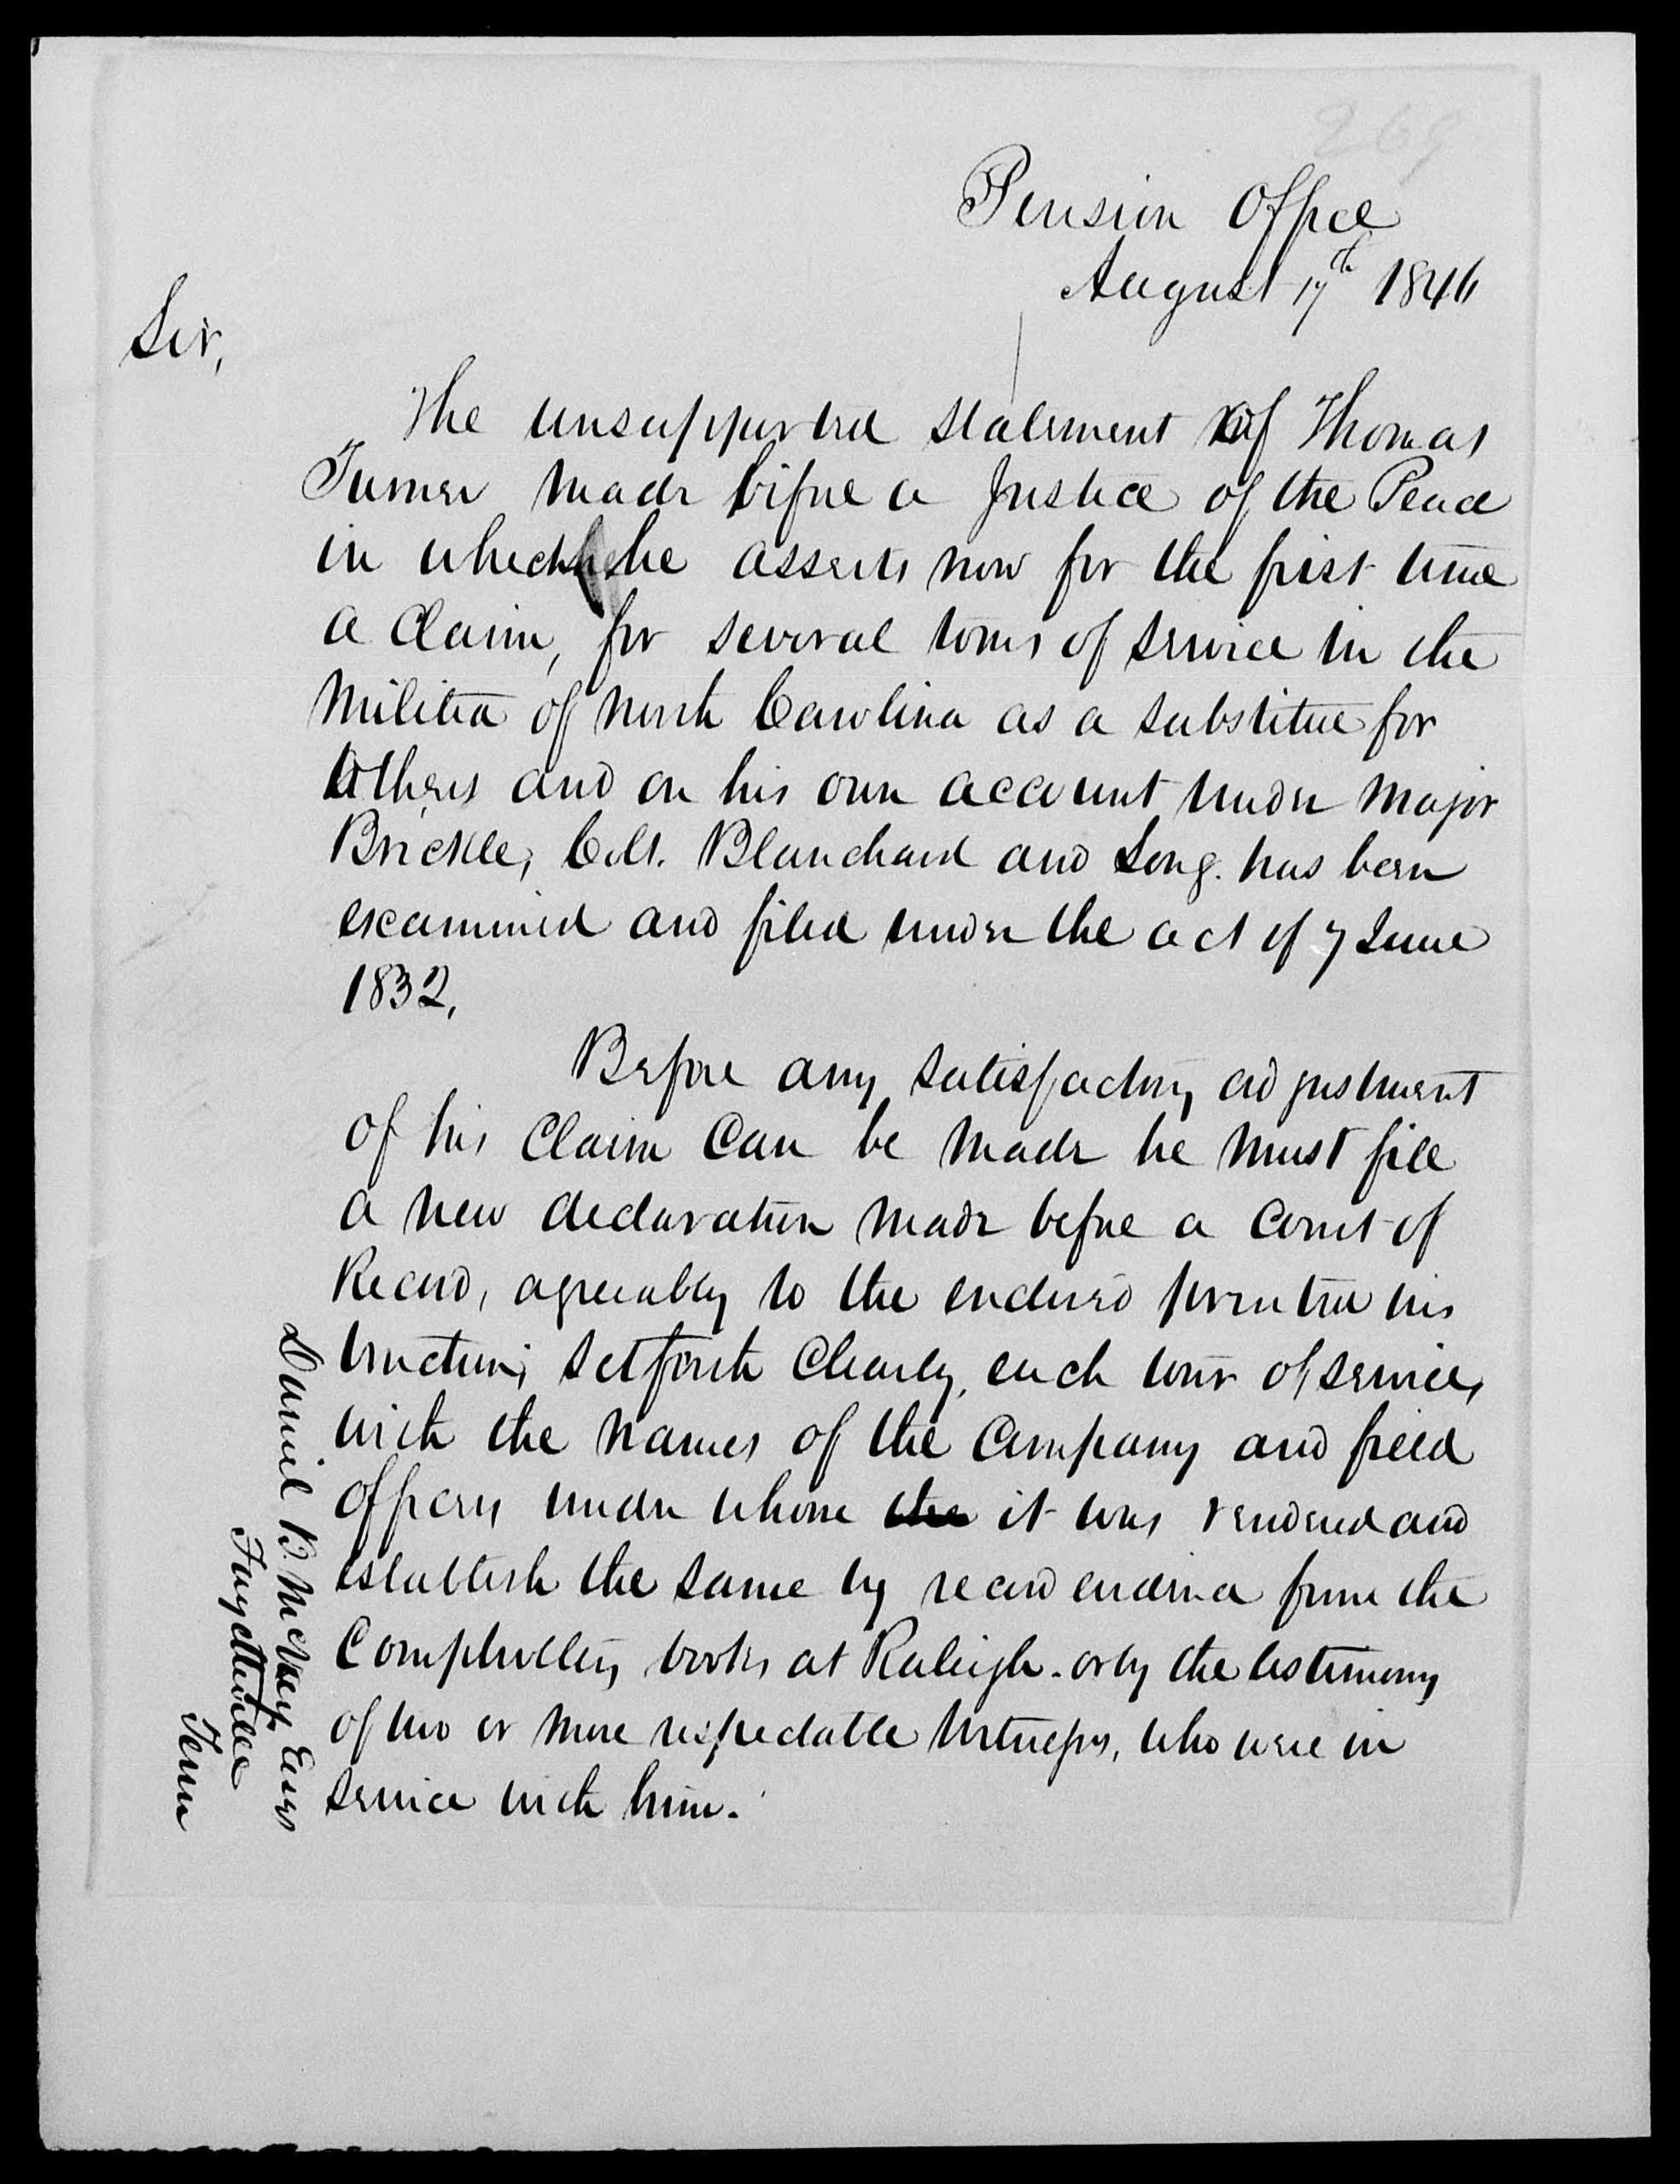Pension Office
August 17, 1846

Sir,
The unsupported(?) statement of Thomas Turner made before a Justice of the Peace in which he asserts now for the first time a claim, for several tour of service in the Militia of North Carolina as as a substitute for others and on his own account under Major Brickle, Col. Blanchard and Sing. has been examined and filed under the act of 7 June 1832.
Before any satisfactory adjustment of his Claim can be made he must file a new declaration made before a Court of Record, agreeably to the [illegible] [illegible] his [illegible] setforth clearly each tour of service with the names of the Company and field officer under whom [the - CROSSED OUT] it was rendered and establish the same by [illegible] from the Completing [illegible] at Raleigh. only the testimony of his or more respectable [illegible] who were in service with him. 

Daniel B. McVay Esq
Fayetteville Tenn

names: Thomas Turner, Long, Blanchard, Daniel B Mc Vay, Brickle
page: 14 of 81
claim: survivor's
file: S. 1908, Richard Harper, N.C.